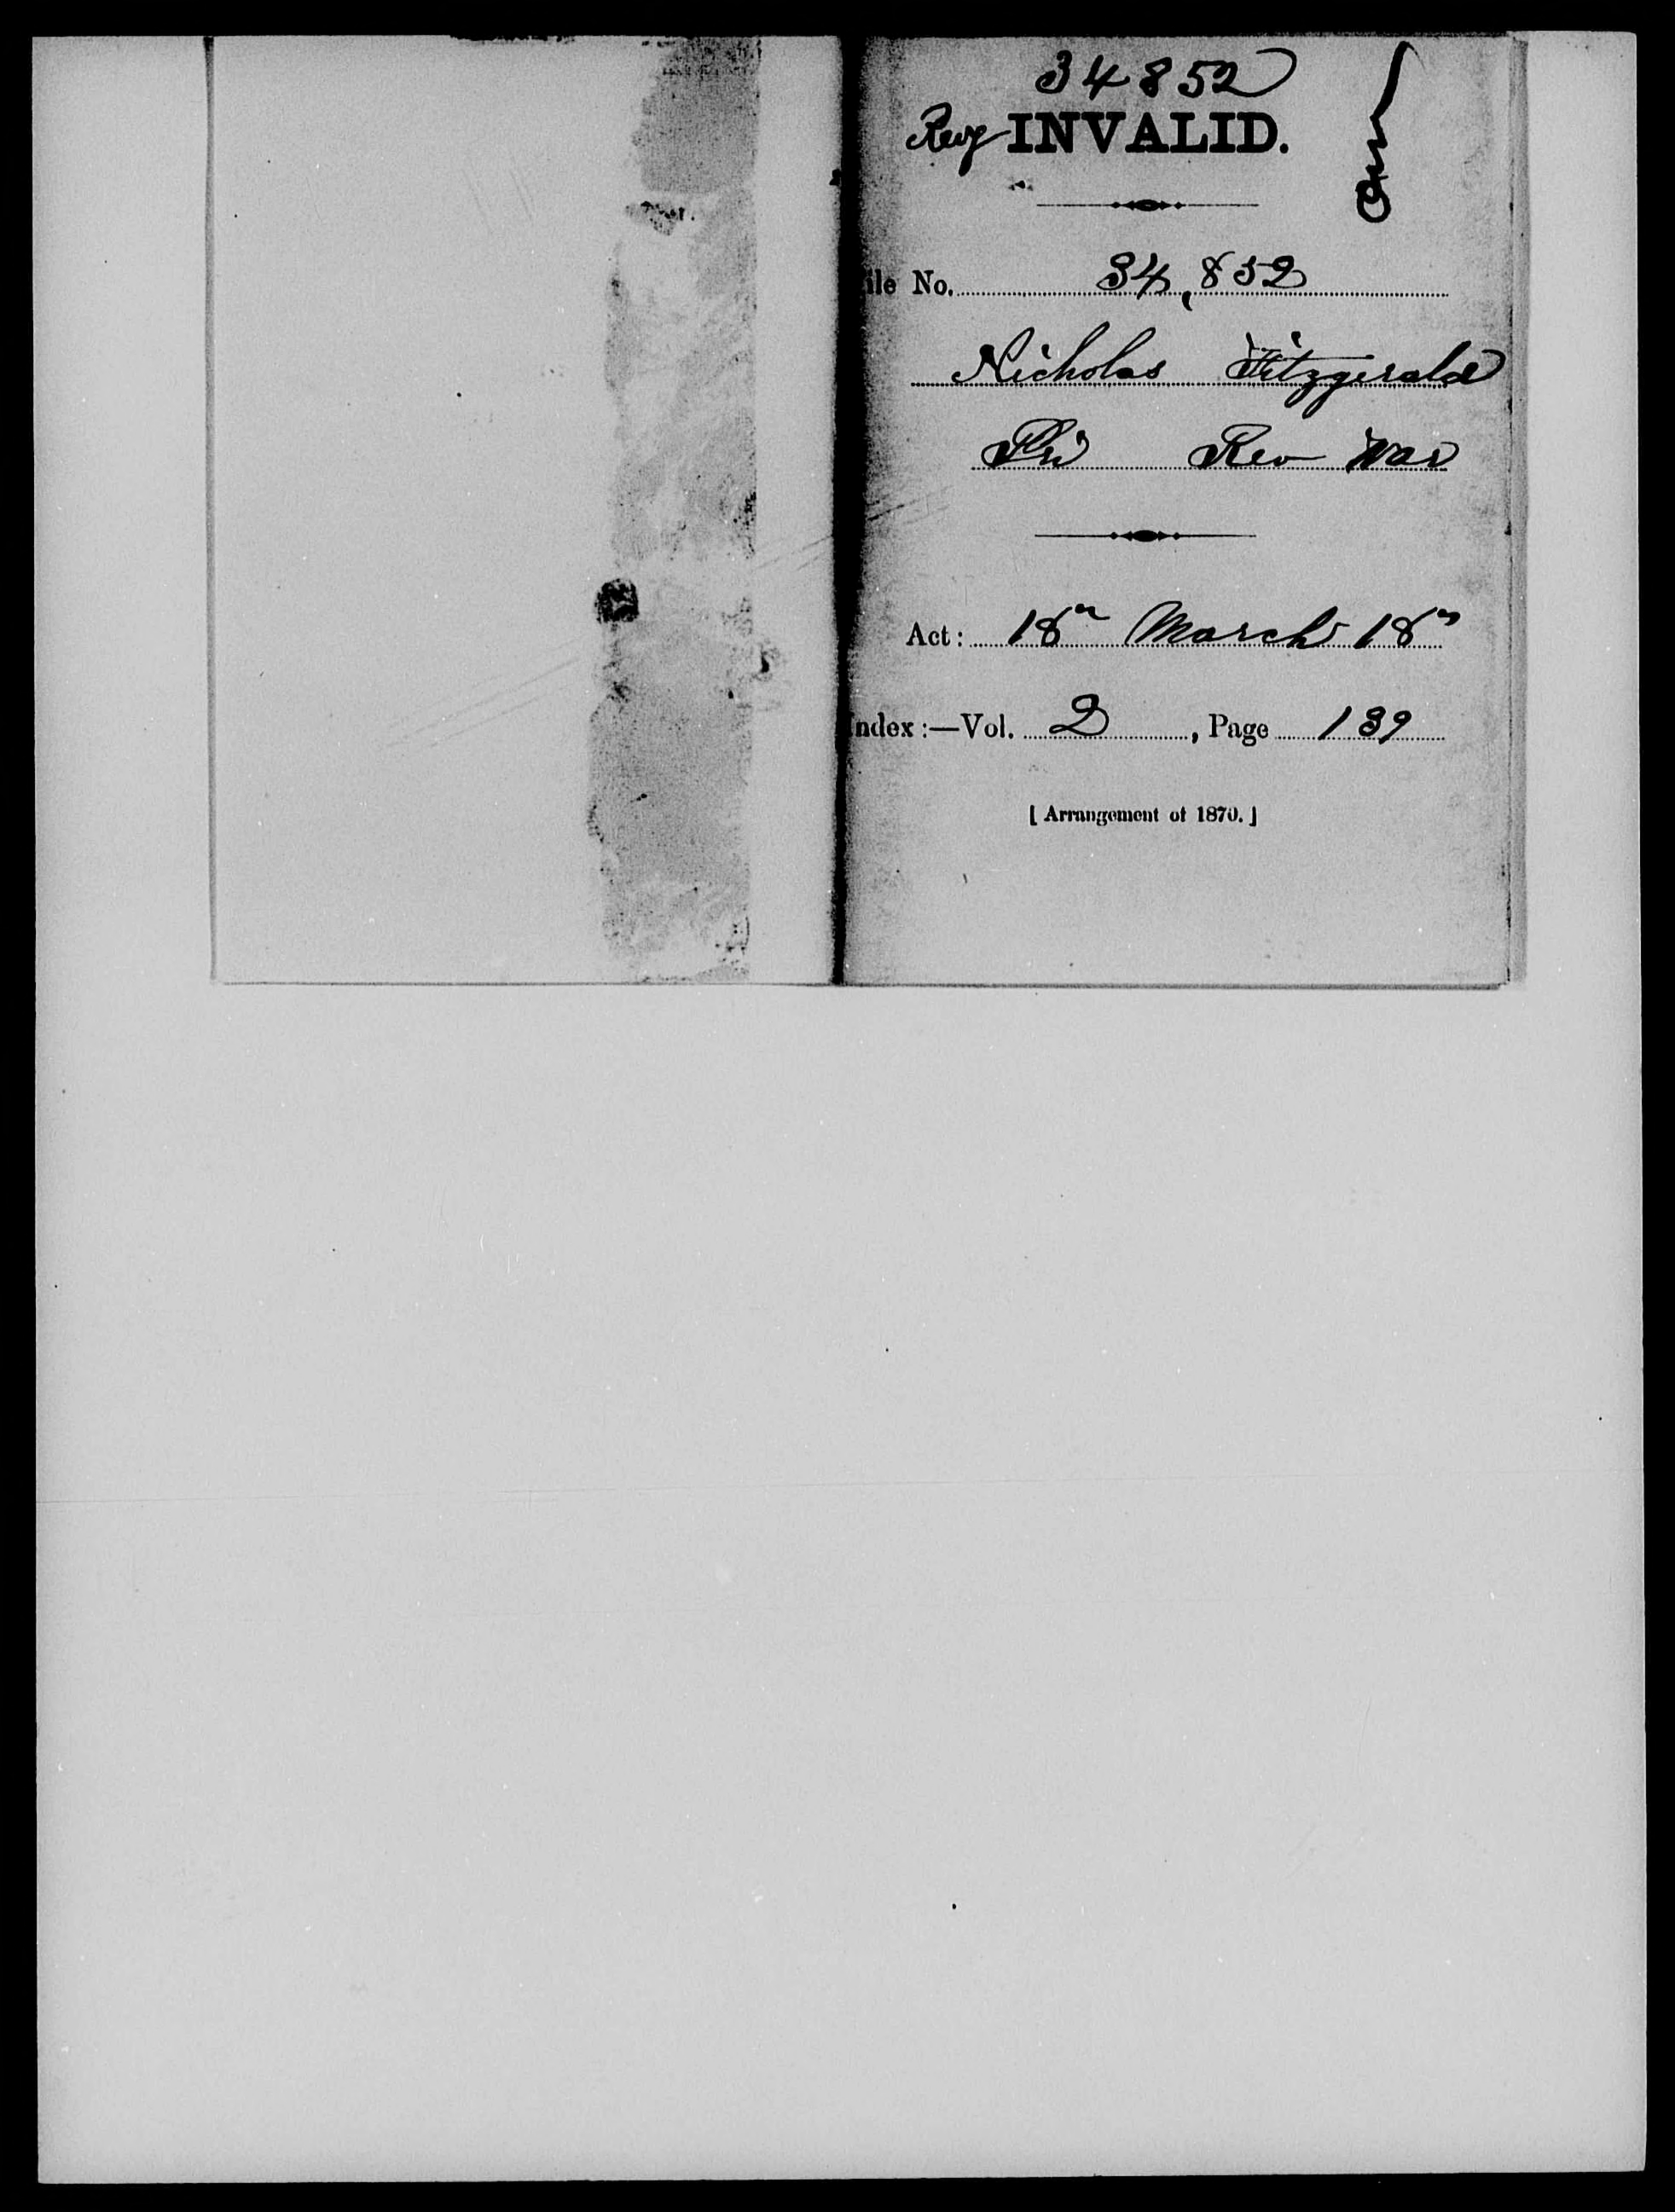34852
[?] INVALID
File No. 34,852
Nicholas Fitzgerald [?} Rev War
Act: 18th March 1800
Index:-Vol. 2, Page 139
{Arrangement of 1870.}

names: Nicholas Fitzgerald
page: 7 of 7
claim: survivor's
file: S. 34,852, Nicholas Fitzgerald, Md.